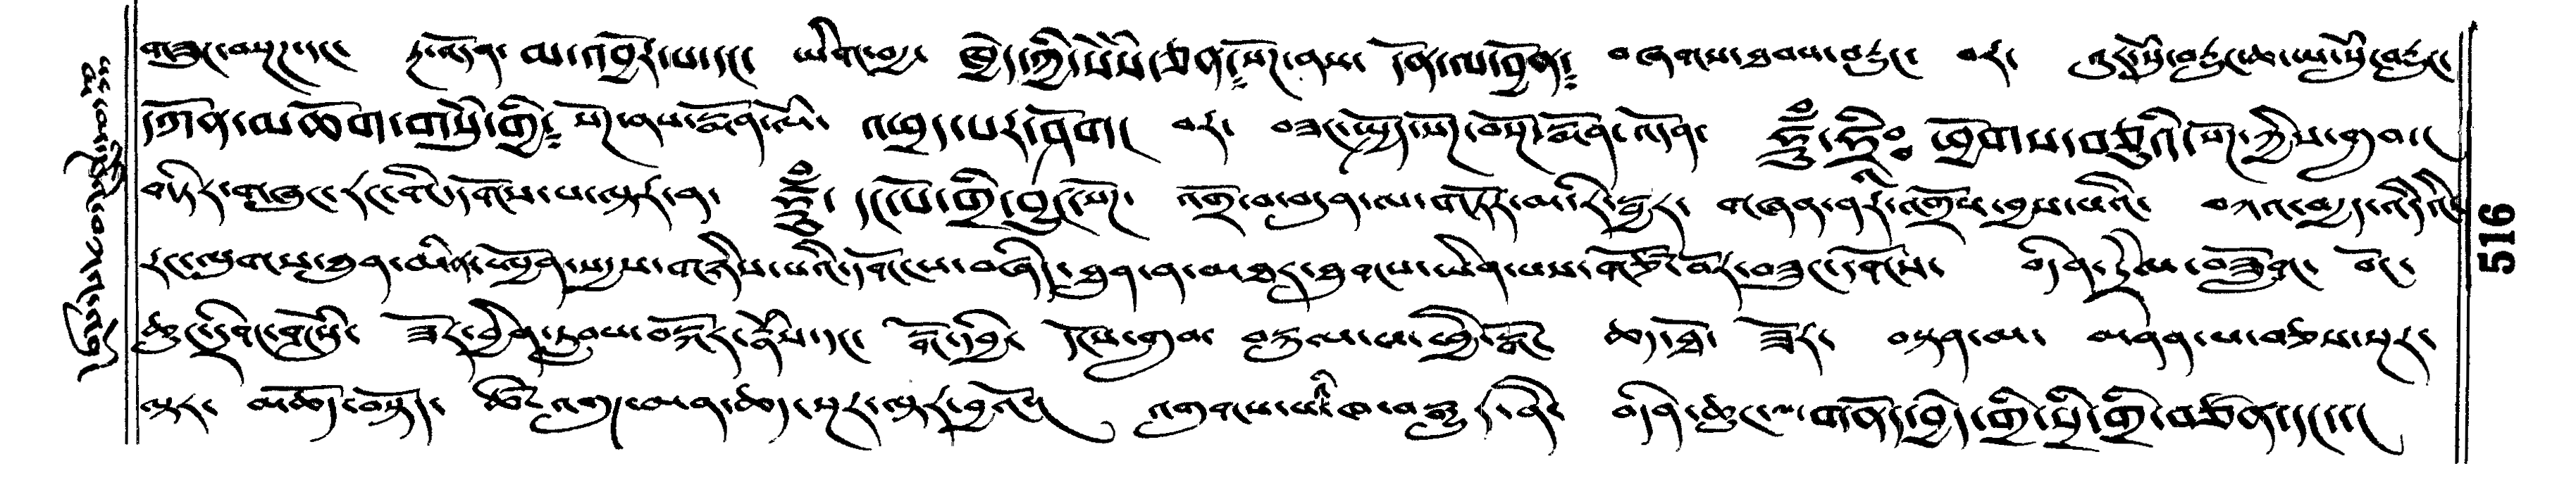གཟུངས་སྔགས་དང་། ( རྔ་འདོན། ) མ་འབྱོར་པ་དང༴ ཡིག་བརྒྱ། ཁྱེད་ཀྱི་སེམས་ཅན༴ སོགས་ནས། དོན་ལ་བྱོན༴ ( བཞགས་ཐབས་བརྡུང་།) བར། ( འུར་སུམ་བརྡུང་ཆ་ཡ་སུམ་བརྡུང་། ) 
དཀོན་མཆོག་གསུམ་གྱི༴ སོགས་ནས་སྨོན་ལམ། འཕྲད་པར་ཤོག བར། བཟང་སྤྱོད་སོགས་བསྔོ་སྨོན་འདོན། ཧཱུྃ་ཧྲཱིཿཕྱོགས་བཅུའི༴ སོགས་ཀྱིས་གྲུབ། 
གཏེར་གཞུང་རང་གི་དགོངས་པ་ལྟར་ན། ཧཱུྃ། དང་པོ་གྲི་བྱུང༴ སོགས། འགྲོ་བ་བདུན་ལ་གཏོར་མ་རེ་སྦྱར། གཞན་ནར་འགྲོས་བྱས་པས་བཀའ་བརྒྱད་འདིའི་
རང་ལུགས་ཐུན་མིན་ཨོ་རྒྱན་སངས་རྒྱས་གཉིས་པའི་དགོངས་བཞེད་དང་ཐུན་ན་མཐར་ཐུག་ས་ཡིན་པས་གཙོ་བོར་བཟུང་དགོས། བདེན་དྲིལ་བཟློག བོང་
ཁྱུང་དྲེགས་གསུམ། ཟོར་བྱིན་རླབས་བསྐོར་རྣམས་དང་། སྒོ་དབྱེ། དངོས་གྲུབ། བསྐུལ་པ་ཕྱི་སྒོ། ཆད་ཐོ། ཟོར། བསྟན་མ། མནན་པ་བཅས་སྔར་
ལྟར། མཆོད་བསྟོད། ཚེ་འགུགས་མན་ཆད་སྔར་ལྟར་བྱའོ། འགུགས་པའི་ཁ་བསྒྱུར་ནི། བདེན་ཆུང་ལ་གནོད་བྱེད་གྲི་སྲི་གྲི་བཙན་དང་།